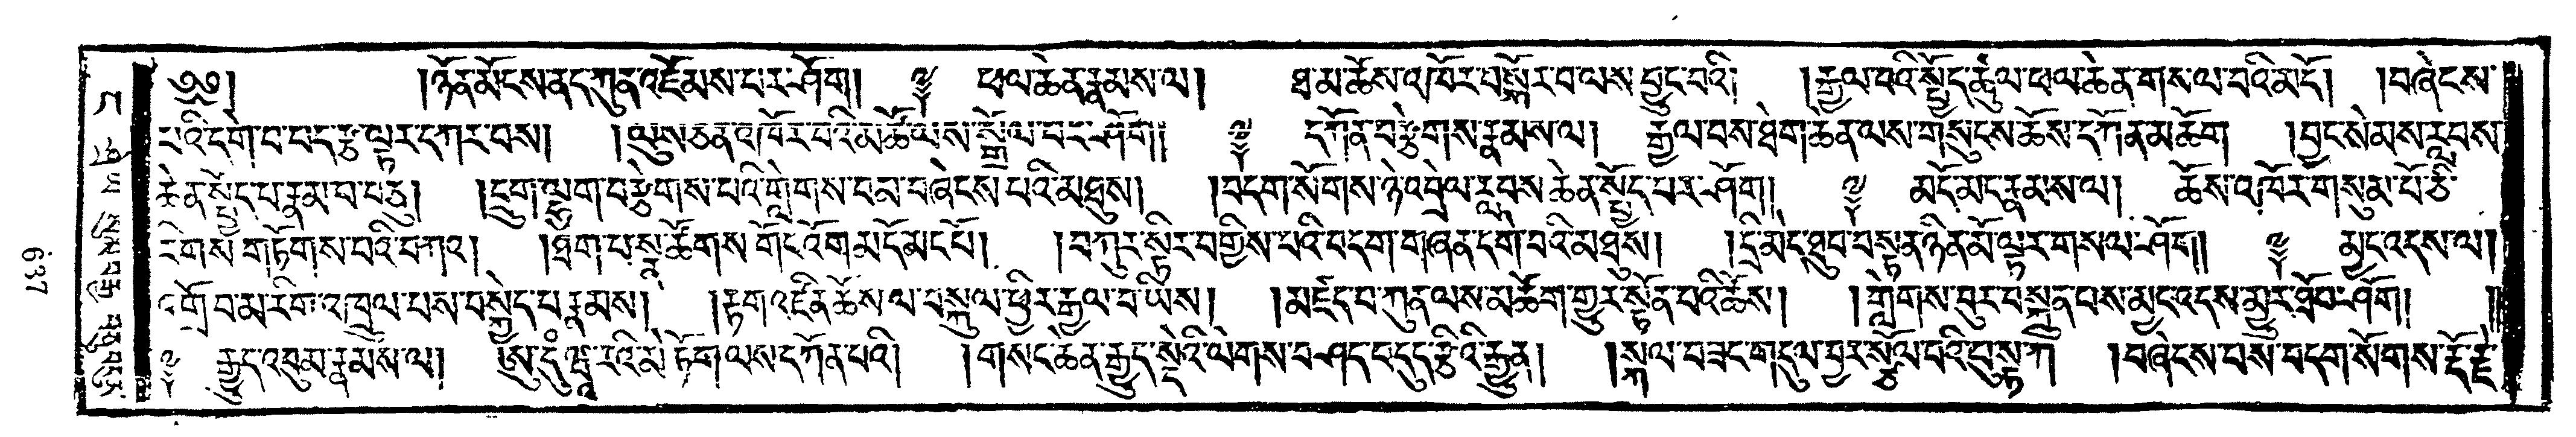༄༅། །ཉོན་མོངས་ནད་ཀུན་འཇོམས་པར་ཤོག། ༈ ཕལ་ཆེན་རྣམས་ལ། ཐ་མ་ཆོས་འཁོར་བསྐོར་བ་ལས་བྱུང་བའི། །རྒྱལ་བའི་སྤྱོད་ཚུལ་ཕལ་ཆེན་གསལ་བའི་མདོ། །བཞེངས་
པའི་དགེ་བ་པད་རྩ་ལྟར་དཀར་བས། །ལུས་ཅན་འཁོར་བའི་མཚོ་ལས་སྒྲོལ་བར་ཤོག། ༈ དཀོན་བརྩེགས་རྣམས་ལ། རྒྱལ་བས་ཐེག་ཆེན་ལས་གསུངས་ཆོས་དཀོན་མཆོག །བྱང་སེམས་རླབས་
ཆེན་སྤྱོད་པ་རྣམ་བ་བཅུ། །དྲུག་ལྷག་བརྩེགས་པའི་གླེགས་བམ་བཞེངས་པའི་མཐུས། །བདག་སོགས་ཉེ་འབྲེལ་རླབས་ཆེན་སྤྱོད་པར་ཤོག། ༈ མདོ་མང་རྣམས་ལ། ཆོས་འཁོར་གསུམ་པོ་ཅི་
རིགས་གཏོགས་པའི་བཀའ། །ཐེག་པ་སྣ་ཚོགས་གོང་འོག་མདོ་མང་པོ། །བཀུར་སྟིར་བགྱིས་པའི་བདག་གཞན་དགེ་བའི་མཐུས། །དྲི་མེད་ཐུབ་བསྟན་ཉིན་མོ་ལྟར་གསལ་ཤོག། ༈ མྱང་འདས་ལ།
འགྲོ་བ་མ་རིག་འཁྲུལ་པས་བསྐྱེད་པ་རྣམས། །རྟག་འཛིན་ཆོས་ལ་བསྐུལ་ཕྱིར་རྒྱལ་བ་ཡིས། །མཛད་པ་ཀུན་ལས་མཆོག་གྱུར་སྟོན་པའི་ཆོས། །གླེགས་བུར་བསྐྲུན་པས་མྱང་འདས་མྱུར་ཐོབ་ཤོག། །།
༈ རྒྱུད་འབུམ་རྣམས་ལ། ཨུ་དུཾ་ཝཱ་རའི་མེ་ཏོག་ལས་དཀོན་པའི། །གསང་ཆེན་རྒྱུད་སྡེའི་ལེགས་བཤད་བདུད་རྩིའི་རྒྱུན། །སྐལ་བཟང་གདུལ་བྱར་སྩོལ་བའི་བུ་སྟ་ཀ །བཞེངས་པས་བདག་སོགས་རྡོ་རྗེ་